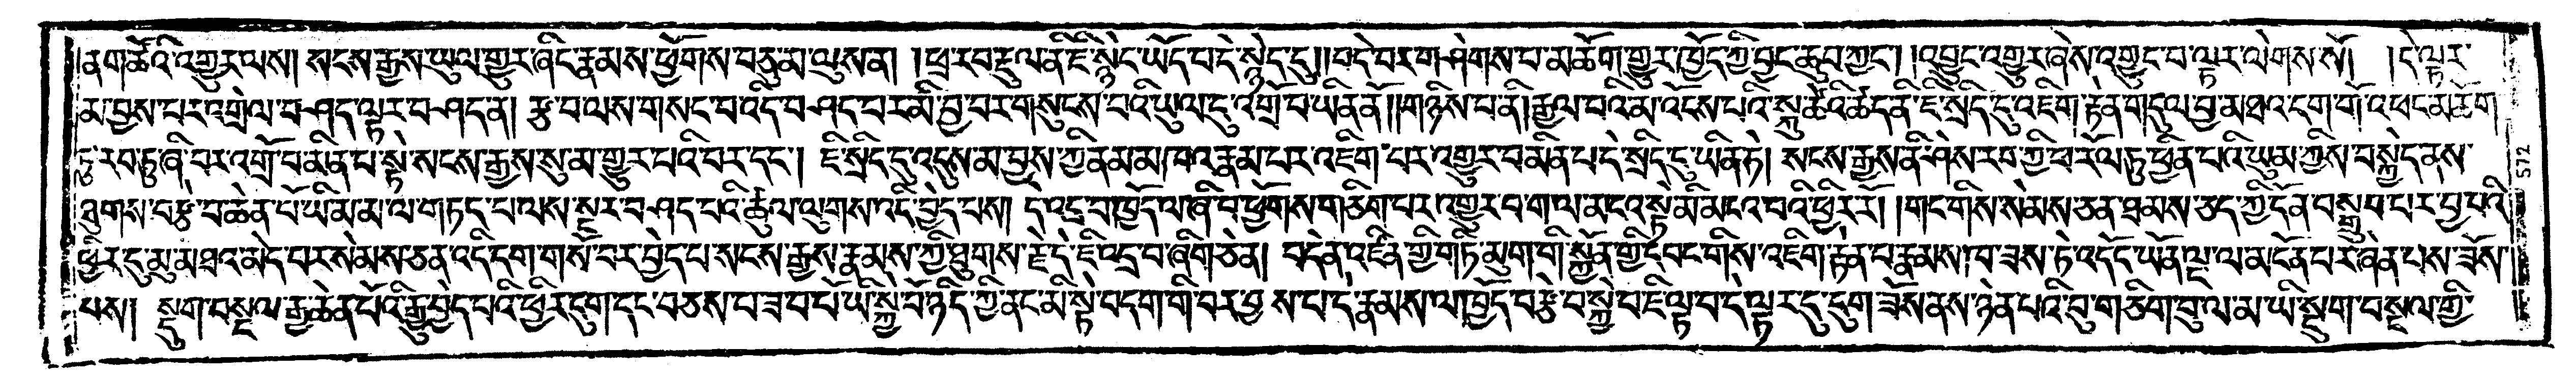ནོ༑ ༑ཇི་ལྟར་དབུ་མའི་གཞུང་ལུགས་འདི་ལས་མ་གཏོགས་པར་བསྟན་བཅོས་གཞན་ན་སྟོང་པ་ཉིད་ཅེས་བྱ་བའི་ཆོས་འདི་ནི། ཕྱིན་ཅི་མ་ལོག་པར་བརྗོད་པ་མེད་པ་དེ་བཞིན་དུ། ཁོ་བོ་ཅག་གིས་འདིར་ལུགས་གང་ཞིག་བརྒལ་ལན་དང་
བཅས་པར་བསྙེད་བསྙད་པ་འདིར་འབྱུང་བའི་ལུགས་ཀྱང་། སྟོང་པ་ཉིད་ཀྱི་ཆོས་ལྟར་བསྟན་བཅོས་གཞན་ན་ནི་མེད་དོ་ཞེས་མཁས་པ་རྣམས་ཀྱིས་ངེས་པར་མཛད་དུ་གསོལ་ལོ། །དེའི་ཕྱིར་དབུ་མ་པ་ཁ་ཅིག་གིས་མདོ་སྡེ་པ་རྣམས་དང་། བྱེ་
བྲག་ཏུ་སྨྲ་བ་རྣམས་ཀྱིས་གང་དོན་དམ་པར་སྨྲས་པ་དེ་ཉིད། དབུ་མ་པ་རྣམས་ཀྱིས་ཀུན་རྫོབ་ཏུ་འདོད་དོ་ཞེས་སྨྲས་པ་དེ་ནི། དབུ་མའི་བསྟན་བཅོས་ཀྱི་དེ་ཁོ་ན་ཉིད་མ་ཤེས་པས་སྨྲས་པ་ཡིན་ཏེ། འཇིག་རྟེན་ལས་འདས་པའི་
ཆོས་ནི་འཇིག་རྟེན་པའི་ཆོས་དང་མཚུངས་པར་མི་རིགས་པའི་ཕྱིར་རོ། ཞེས་རང་འགྲེལ་ལས་གསུངས་སོ། །འདིས་ནི་རང་གིས་ཐ་སྙད་དུ་རྣམ་པར་བཞག་པ་ཁས་བླངས་པ་ཐམས་ཅད་རང་མཚན་གྱིས་གྲུབ་པ་མེད་པ་ཉིད་ལ་
འཇོག་པས། རང་གི་མཚན་ཉིད་ཀྱིས་གྲུབ་པ་ཁོ་ནའི་སྟེང་ནས་རྣམ་གཞག་བྱས་པའི་དོན་སྨྲ་གཉིས་ལ་སོགས་པའི་གྲུབ་མཐའ་རྣམས་རང་ལུགས་ཀྱི་དོན་དམ་དུ་མ་ཟད་ཐ་སྙད་དུ་ཡང་གྲུབ་པ་མེད་པར་འདོད་པའི་ལུགས་སོ། །དེས་ན་རང་གི་
ལུགས་འདི་སེམས་ཙམ་པ་དང་ཡང་ཐུན་མོང་མ་ཡིན་པར་མ་ཟད། མགོན་པོ་ཀླུ་སྒྲུབ་དང་འཕགས་པ་ལྷའི་དགོངས་པ་འགྲེལ་བའི་དབུ་མ་པ་གཞན་གྱི་ལུགས་དང་ཡང་ཐུན་མོང་མ་ཡིན་པར་ཤེས་པར་གྱིས་ཤིག་ཅེས་འདོམས་པ་པོ།།